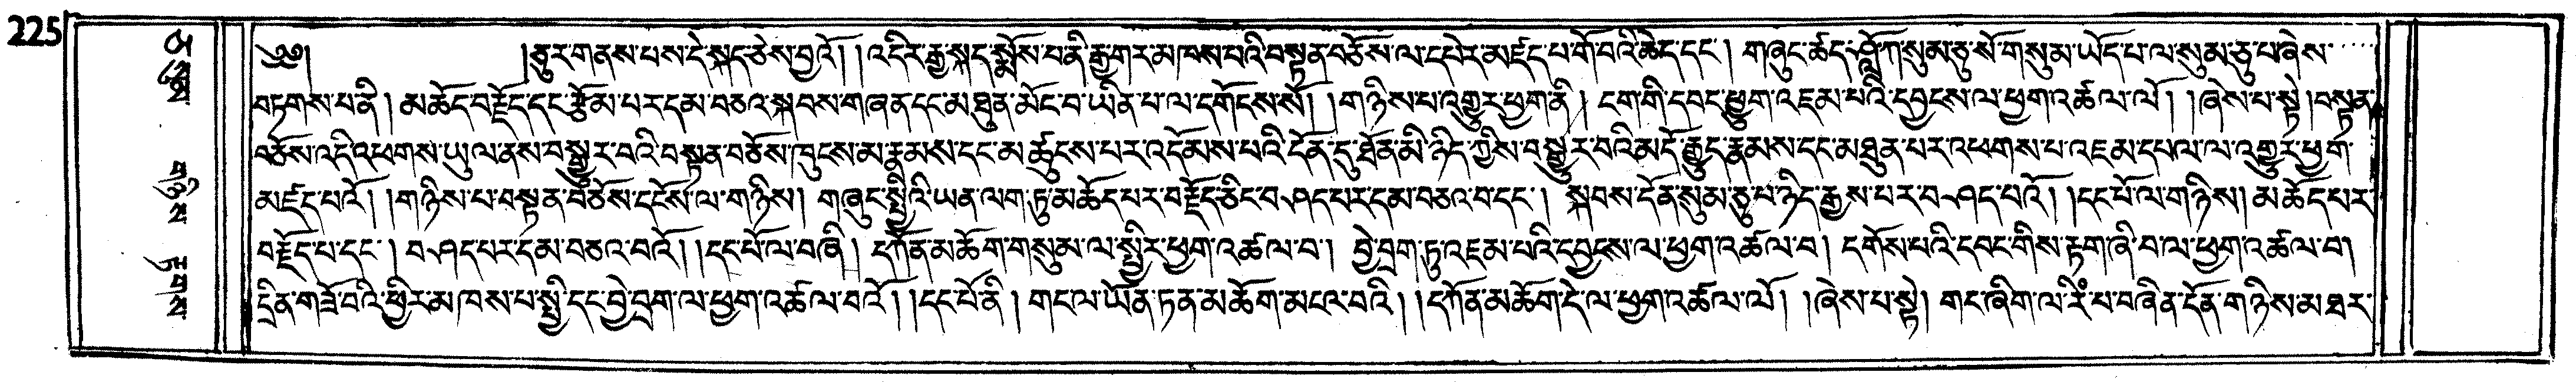༄༅། །ཅུར་གནས་པས་དེ་སྐད་ཅེས་བྱའོ། །འདིར་རྒྱ་སྐད་སྨོས་པ་ནི་རྒྱ་གར་མཁས་པའི་བསྟན་བཅོས་ལ་དཔེར་མཛད་པ་གོ་བའི་ཆེད་དང་། གཞུང་ཚད་ཤློ་ཀ་སུམ་ཅུ་སོ་གསུམ་ཡོད་པ་ལ་སུམ་ཅུ་པ་ཞེས་
བཏགས་པ་ནི། མཆོད་བརྗོད་དང་རྩོམ་པར་དམ་བཅའ་སྐབས་གཞན་དང་མཐུན་མོང་བ་ཡིན་པ་ལ་དགོངས་སོ། །གཉིས་པ་འགྱུར་ཕྱག་ནི། ངག་གི་དབང་ཕྱུག་འཇམ་པའི་དབྱངས་ལ་ཕྱག་འཚལ་ལོ། །ཞེས་པ་སྟེ། བསྟན་
བཅོས་འདི་འཕགས་ཡུལ་ནས་བསྒྱུར་བའི་བསྟན་བཅོས་ཁུངས་མ་རྣམས་དང་མཚུངས་པར་འདོམས་པའི་དོན་དུ་ཐོན་མི་ཉིད་ཀྱིས་བསྒྱུར་བའི་མདོ་རྒྱུད་རྣམས་དང་མཐུན་པར་འཕགས་པ་འཇམ་དཔལ་ལ་འགྱུར་ཕྱག་
མཛད་པའོ། །གཉིས་པ་བསྟན་བཅོས་དངོས་ལ་གཉིས། གཞུང་སྤྱིའི་ཡན་ལག་ཏུ་མཆོད་པར་བརྗོད་ཅིང་བཤད་པར་དམ་བཅའ་བ་དང་། སྐབས་དོན་སུམ་ཅུ་པ་ཉིད་རྒྱས་པར་བཤད་པའོ། །དང་པོ་ལ་གཉིས། མཆོད་པར་
བརྗོད་པ་དང་། བཤད་པར་དམ་བཅའ་བའོ། །དང་པོ་ལ་བཞི། དཀོན་མཆོག་གསུམ་ལ་སྤྱིར་ཕྱག་འཚལ་བ། བྱེ་བྲག་ཏུ་འཇམ་པའི་དབྱངས་ལ་ཕྱག་འཚལ་བ། དགོས་པའི་དབང་གིས་རྟག་ཞི་བ་ལ་ཕྱག་འཚལ་བ།
དྲིན་གཟོ་བའི་ཕྱིར་མཁས་པ་སྤྱི་དང་བྱེ་བྲག་ལ་ཕྱག་འཚལ་བའོ། །དང་པོ་ནི། གང་ལ་ཡོན་ཏན་མཆོག་མངའ་བའི། །དཀོན་མཆོག་དེ་ལ་ཕྱག་འཚལ་ལོ། །ཞེས་པ་སྟེ། གང་ཞིག་ལ་རིཾ་པ་བཞིན་དོན་གཉིས་མཐར་